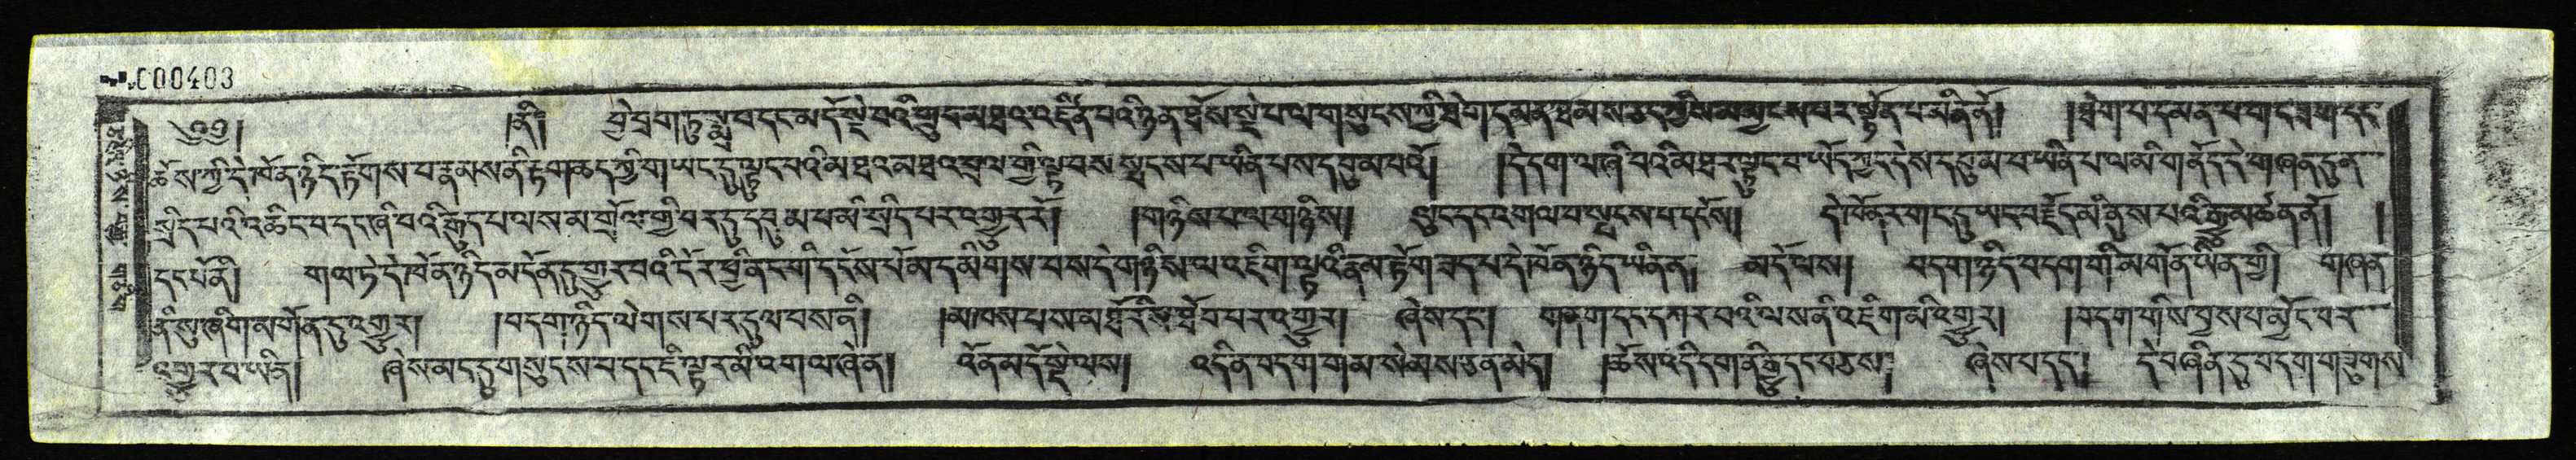༄༅། །ནི༑ བྱེ་བྲག་ཏུ་སྨྲ་བ་དང་མདོ་སྡེ་བའི་གྲུབ་མཐའ་འཛིན་པའི་ཉན་ཐོས་སྡེ་བ་ལ་གསུངས་ཀྱི་ཐེག་དམན་ཐམས་ཅད་ཀྱིས་མ་མྱངས་པར་སྟོན་པ་མིན་ནོ། །ཐེག་པ་དམན་པ་གང་ཟག་དང་
ཆོས་ཀྱི་དེ་ཁོ་ན་ཉིད་རྟོགས་པ་རྣམས་ནི་རྟག་ཆད་ཀྱི་གཡང་དུ་ལྟུང་བའི་མཐའ་མཐའ་བྲལ་གྱི་ལྟ་བས་སྤངས་པ་ཡིན་པས་དབུ་མ་པའོ། །དེ་དག་ལ་ཞི་བའི་མཐར་ལྟུང་བ་ཡོད་ཀྱང་དེས་དབུ་མ་པ་ཡིན་པ་ལ་མི་གནོད་དེ་གཞན་དུ་ན་
སྲིད་པའི་འཆིང་བ་དང་ཞི་བའི་རྒུད་པ་ལས་མ་གྲོལ་གྱི་བར་དུ་དབུ་མ་པ་མི་སྲིད་པར་འགྱུར་རོ། །གཉིས་པ་ལ་གཉིས། ལུང་དང་འགལ་བ་སྤངས་པ་དངོས། དེ་ཁོ་ནར་གང་དུ་ཡང་བརྗོད་མི་ནུས་པའི་རྒྱུ་མཚན་ནོ། །
དང་པོ་ནི། གལ་ཏེ་དེ་ཁོ་ན་ཉིད་མངོན་དུ་གྱུར་པའི་ངོར་ཕྱི་ནང་གི་དངོས་པོ་མ་དམིགས་པས་དེ་གཉིས་ལ་འཇིག་ལྟའི་རྣམ་རྟོག་ཟད་པ་དེ་ཁོ་ན་ཉིད་ཡིན་ན། མདོ་ལས། བདག་ཉིད་བདག་གི་མགོན་ཡིན་གྱི། གཞན་
ནི་སུ་ཞིག་མགོན་དུ་འགྱུར། །བདག་ཉིད་ལེགས་པར་དུལ་བས་ནི། །མཁས་པས་མཐོ་རིས་ཐོབ་པར་འགྱུར། ཞེས་དང་། གནག་དང་དཀར་བའི་ལས་ནི་འཇིག་མི་འགྱུར། །བདག་གིས་བྱས་པ་མྱོང་བར་
འགྱུར་བ་ཡིན། ཞེས་མང་དུ་གསུངས་པ་དང་ཇི་ལྟར་མི་འགལ་ཞེ་ན། འོ་ན་མདོ་སྡེ་ལས། འདི་ན་བདག་གམ་སེམས་ཅན་མེད། །ཆོས་འདི་དག་ནི་རྒྱུ་དང་བཅས། ཞེས་པ་དང་། དེ་བཞིན་དུ་བདག་གཟུགས་